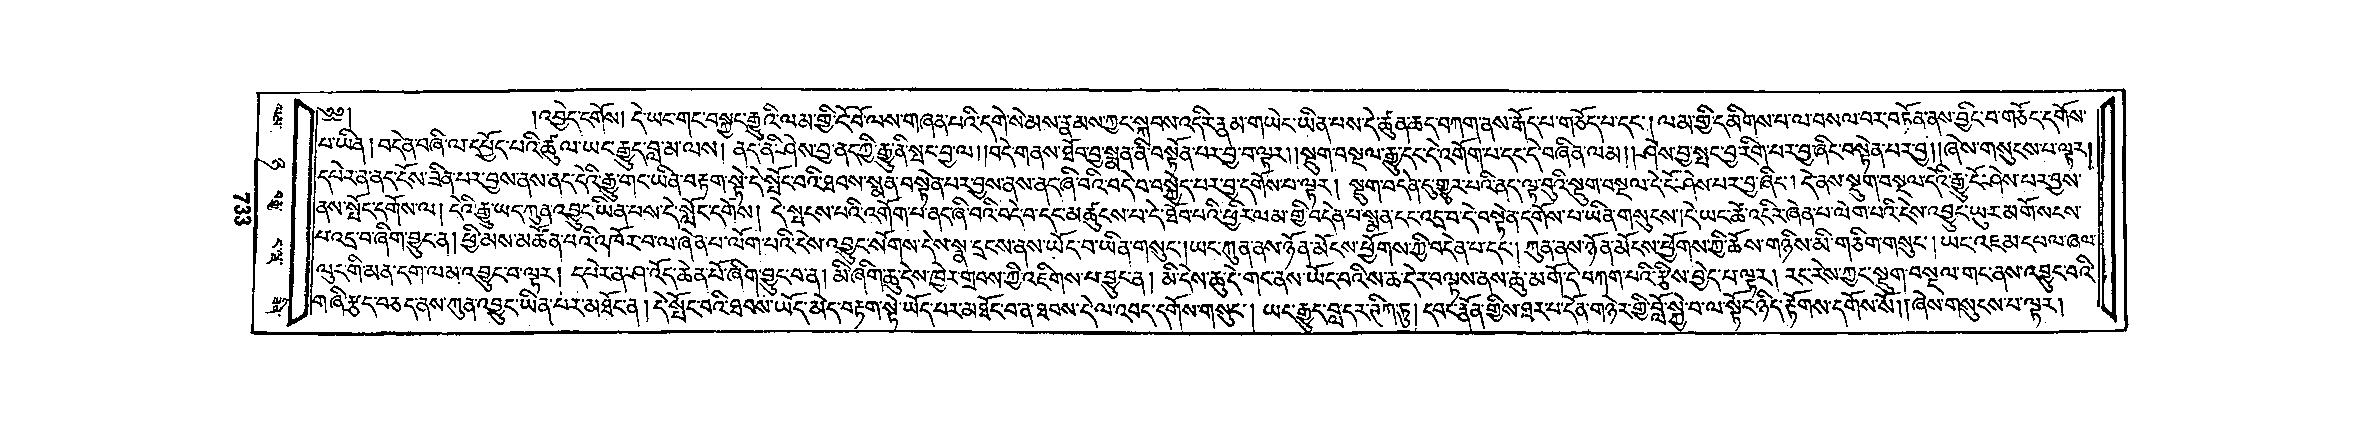༄༅། །འབྱེད་དགོས། དེ་ཡང་གང་བསྐྱད་རྒྱུའི་ལམ་གྱི་ངོ་བོ་ལས་གཞན་པའི་དགེ་སེམས་རྣམས་ཀྱང་སྐབས་འདིར་རྣམ་གཡེང་ཡིན་པས་དེ་ཚུན་ཆད་བཀག་ནས་རྒོད་པ་གཅོད་པ་དང་། ལམ་གྱི་དམིགས་པ་ལ་བསལ་བར་བཏོན་ནས་བྱིང་བ་གཅོད་དགོས་
པ་ཡིན། བདེན་བཞི་ལ་དཔྱོད་པའི་ཚུལ་ཡང་རྒྱུད་བླ་མ་ལས། ནད་ནི་ཤེས་བྱ་ནད་ཀྱི་རྒྱུ་ནི་སྤང་བྱ་ལ། །བདེ་གནས་ཐོབ་བྱ་སྨན་ནི་བསྟོན་པར་བྱ་བ་ལྟར། །སྡུག་བསྔལ་རྒྱུ་དང་དེ་འགོག་པ་དང་དེ་བཞིན་ལམ། །ཤེས་བྱ་སྤང་བྱ་རིག་པར་བྱ་ཞིང་བསྟེན་པར་བྱ། །ཞེས་གསུངས་པ་ལྟར།
དཔེར་ན་ནད་ངོས་ཟིན་པར་བྱས་ནས་ནད་དེའི་རྒྱུ་གང་ཡིན་བརྟག་སྟེ་དེ་སྤོང་བའི་ཐབས་སྨན་བསྟེན་པར་བྱས་ནས་ནད་ཞི་བའི་བདེ་བ་བསྐྱེད་པར་བྱ་དགོས་པ་ལྟར། སྡུག་བདེན་དུ་གྱུར་པའི་ནད་ལྟ་བུའི་སྡུག་བསྔལ་དེ་ངོ་ཤེས་པར་བྱ་ཞིང་། དེ་ནས་སྡུག་བསྔལ་དེའི་རྒྱུ་ངོ་ཤེས་པར་བྱས་
ནས་སྤོང་དགོས་ལ། དེའི་རྒྱུ་ཡང་ཀུན་འབྱུང་ཡིན་པས་དེ་སློང་དགོས། དེ་སྤངས་པའི་འགོག་པ་ནད་ཞི་བའི་བདེ་བ་དང་མཚུངས་པ་དེ་ཐོབ་པའི་ཕྱིར་ལམ་གྱི་བདེན་པ་སྨན་དང་འདྲ་བ་དེ་བསྟེན་དགོས་པ་ཡིན་གསུངས། དེ་ཡང་ཚེ་འདིར་ཞེན་པ་ལེག་པའི་ངེས་འབྱུང་ཡུར་མགོ་སངས་
པ་འདྲ་བ་ཞིག་བྱུང་ན། ཕྱི་མས་མཚོན་པའི་འཁོར་བ་ལ་ཞེན་པ་ལོག་པའི་ངེས་འབྱུང་སོགས་དེས་སྣ་དྲངས་ནས་ཡོང་བ་ཡིན་གསུང་། ཡང་ཀུན་ནས་ཉོན་མོངས་ཕྱོགས་ཀྱི་བདེན་པ་དང་། ཀུན་ནས་ཉོན་མོངས་ཕྱོགས་ཀྱི་ཆོས་གཉིས་མི་གཅིག་གསུང་། ཡང་འཇམ་དཔལ་ཞལ་
ལུང་གི་མན་དག་ལམ་འབྱུང་བ་ལྟར། དཔེར་ན་ཤ་འོད་ཆེན་པོ་ཞིག་བྱུང་བ་ན། མི་ཞིག་ཆུ་དེས་ཁྱེར་གྲབས་ཀྱི་འཇིགས་པ་བྱུང་ན། མི་དེས་ཆུ་དེ་གང་ནས་ཡོང་བའི་ས་ཆ་དེར་བལྟས་ནས་ཆུ་མགོ་དེ་བཀག་པའི་རྩིས་བྱེད་པ་ལྟར། རང་རེས་ཀྱང་སྡུག་བསྔལ་གང་ནས་འབྱུང་བའི་
གཞི་རྩད་བཅད་ནས་ཀུན་འབྱུང་ཡིན་པར་མཐོང་ན། དེ་སྤོང་བའི་ཐབས་ཡོད་མེད་བརྟག་སྟེ་ཡོད་པར་མཐོང་བ་ན་ཐབས་དེ་ལ་འབད་དགོས་གསུང་། ཡང་རྒྱུད་བླ་དར་ཊིཀ་ཏུ། དབང་རྣོན་གྱིས་ཐར་པ་དོན་གཉེར་གྱི་བློ་སྐྱེ་བ་ལ་སྟོང་ཉིད་རྟོགས་དགོས་སོ། །ཞེས་གསུངས་པ་ལྟར།